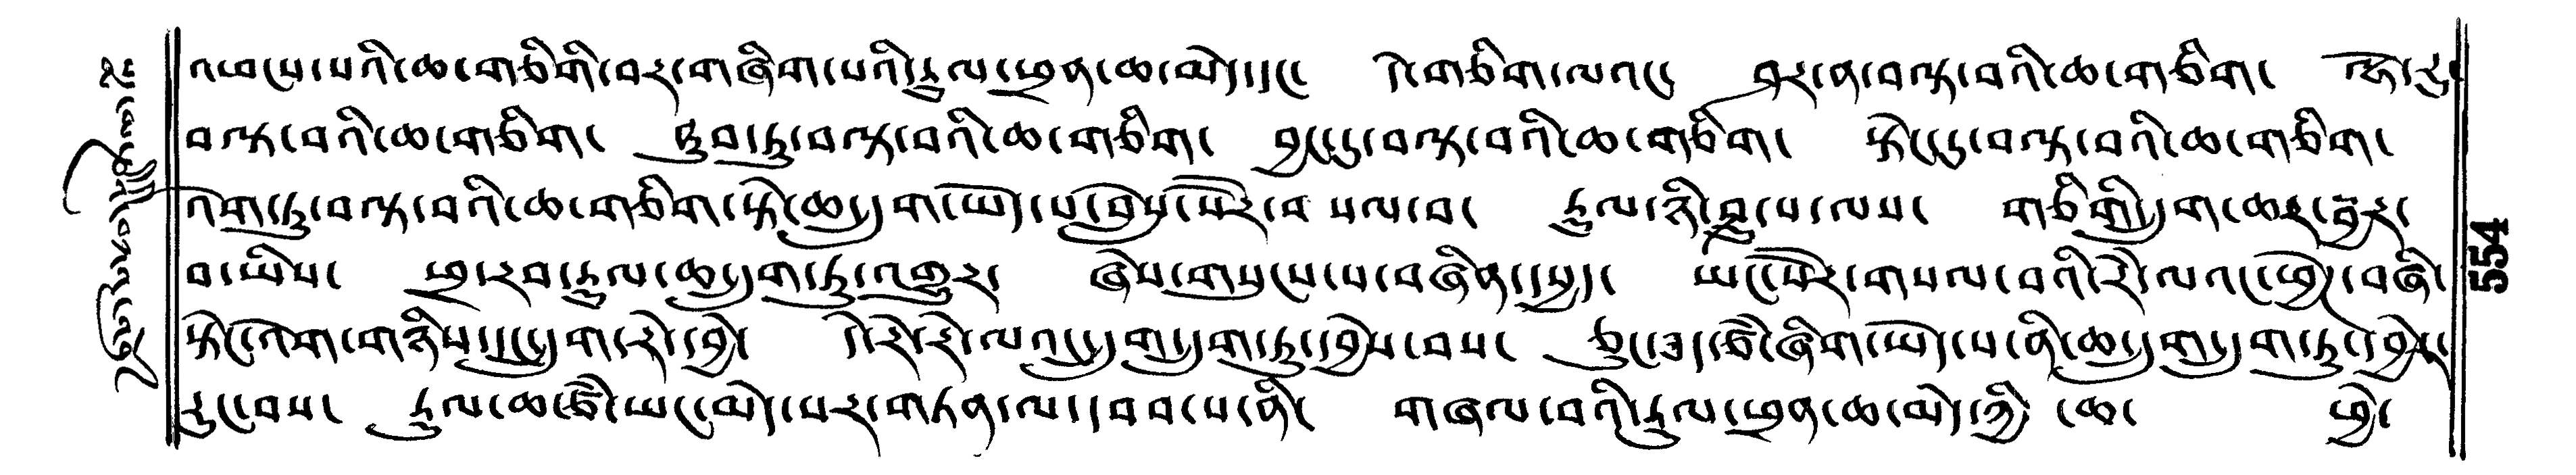འཕངས་པའི་ཆ་གཅིག་གི་བར་ཞིག་པའི་རྡུལ་ཕྲན་ཆ་མེད་དང་། དེ་གཅིག་ལའང་། ཤར་ལ་བལྟ་བའི་ཆ་གཅིག ལྷོ་རུ་
བལྟ་བའི་ཆ་གཅིག ནུབ་ཏུ་བལྟ་བའི་ཆ་གཅིག བྱང་དུ་བལྟ་བའི་ཆ་གཅིག སྟེང་དུ་བལྟ་བའི་ཆ་གཅིག 
འོག་ཏུ་བལྟ་བའི་ཆ་གཅིག་སྟེ་ཆ་དྲུག་ཡོད་པ་བློ་གྲོས་སོ་སོར་བསལ་བས། ཉི་ཤུ་པ་ལས། དྲུག་གི་གཅིག་ཆར་སྦྱར་
བ་ཡིས། །ཕྲ་རབ་རྡུལ་ཆ་དྲུག་ཏུ་འགྱུར། ཞེས་གསུངས་པ་བཞིན་དཔྱད། ཡང་སོ་སོར་བསལ་བའི་རེ་རེ་ལའང་ཕྱོགས་བཞི་
སྟེང་འོག་གཉིས་དང་དྲུག་རེ་དབྱེ། དེ་རེ་རེ་ལའང་དྲུག་དྲུག་ཏུ་དབྱེ་བས། ཅུང་ཟད་ཙམ་ཞིག་ཡོད་པ་ནི་ཆ་དྲུག་དྲུག་ཏུ་དབྱེར་
རུང་བས། རྡུལ་ཆ་ཙམ་ཡང་མེད་པར་གཏན་ལ་དབབ་པ་ནི། གཞལ་བའི་རྡུལ་ཕྲན་ཆ་མེད་ཀྱི་ཆ་ཕྱེ་